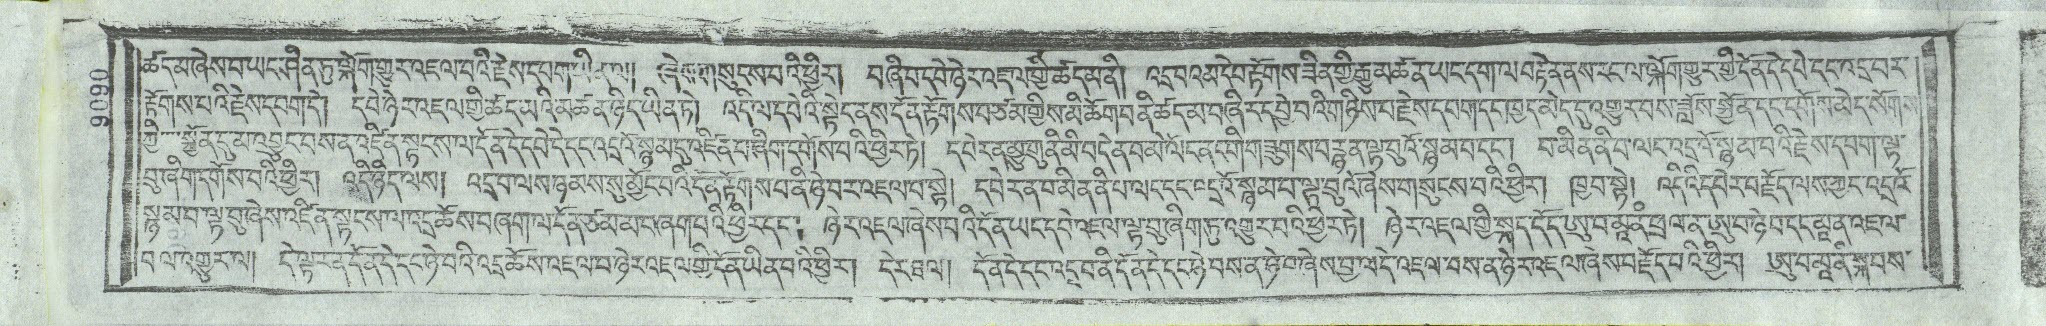ཚད་མ་ཞེས་པ་ཡང་ཤིན་ཏུ་ལྐོག་གྱུར་འཇལ་བའི་རྗེས་དཔག་ཡིན་ལ། ཞེས་གསུངས་པའི་ཕྱིར། བཞི་པ་དཔེ་ཉེར་འཇལ་གྱི་ཚད་མ་ནི། འདྲ་བའམ་དེ་བ་རྟོགས་ཟིན་གྱི་རྒྱུ་མཚན་ཡང་དག་ལ་བརྟེན་ནས་རང་ལ་ལྐོག་གྱུར་གྱི་དོན་དེ་དཔེ་དང་འདྲ་བར་
རྟོགས་པའི་རྗེས་དཔག་དེ། དཔེ་ཉེར་འཇལ་གྱི་ཚད་མའི་མཚན་ཉིད་ཡིན་ཏེ། འདི་ལ་དཔེའི་སྟེང་ནས་དོན་རྟོགས་པ་ཙམ་གྱིས་མི་ཆོག་བ་ནི་ཚད་མ་བཞིར་དབྱེ་བའི་གཉིས་པ་རྗེས་དཔག་དང་ཁྱད་མེད་དུ་འགྱུར་བས་ཟློས་སྐྱོན་དང་དགོས་མེད་སོགས་
ཀྱི་སྐྱོན་དུ་མ་འབྱུང་པས་ན་འཛིན་སྟངས་ལ་དོན་དེ་དཔེ་དེ་དང་འདྲའོ་སྙམ་དུ་འཛིན་པ་ཞིག་དགོས་པའི་ཕྱིར་ཏེ། དཔེར་ན་མྱུ་གུ་ནི་མི་བདེན་པ་མེ་ལོང་ནང་གི་གཟུགས་བརྙན་ལྟ་བུའོ་སྙམ་པ་དང་། བ་མིན་ནི་བ་ལང་འདྲའོ་སྙམ་པའི་རྗེས་དཔག་ལྟ་
བུ་ཞིག་དགོས་པའི་ཕྱིར། འདི་ཉིད་ལས། འདྲ་བ་ལས་ཉམས་སུ་མྱོང་བའི་དོན་རྟོགས་པ་ནི་ཉེ་བར་འཇལ་བ་སྟེ། དཔེར་ན་བ་མིན་ནི་བ་ལང་དང་འདྲའོ་སྙམ་པ་ལྟ་བུའོ་ཞེས་གསུངས་པའི་ཕྱིར། ཁྱབ་སྟེ། འདིའི་དཔེར་བརྗོད་ལས་ཀྱང་འདྲའོ་
སྙམ་པ་ལྟ་བུ་ཞེས་འཛིན་སྟངས་ལ་འདྲ་ཆོས་བཞག་ལ་དོན་ཙམ་མ་བཞག་པའི་ཕྱིར་དང་། ཉེར་འཇལ་ཞེས་པའི་དོན་ཡང་དཔེ་འཇལ་ལྟ་བུ་ཞིག་ཏུ་འགྱུར་བའི་ཕྱིར་ཏེ། ཉེར་འཇལ་གྱི་སྐད་དོད་ཨུ་བ་མཱ་ནཾ་ཕྲལ་ན་ཨུ་བ་ཉེ་བ་དང་མཱ་ན་འཇལ་
བ་ལ་འགྱུར་ལ། དེ་ལྟར་ན་དོན་དེ་དང་ཉེ་བའི་འདྲ་ཆོས་འཇལ་བ་ཉེར་འཇལ་གྱི་དོན་ཡིན་པའི་ཕྱིར། དེར་ཐལ། དོན་དེ་དང་འདྲ་བ་ནི་དོན་དེ་དང་ཉེ་བས་ན་ཉེ་བ་ཞེས་བྱ་ལ་དེ་འཇལ་བས་ན་ཉེར་འཇལ་ཞེས་བརྗོད་པའི་ཕྱིར། ཨུ་བ་མཱ་ནཾ་སྐབས་